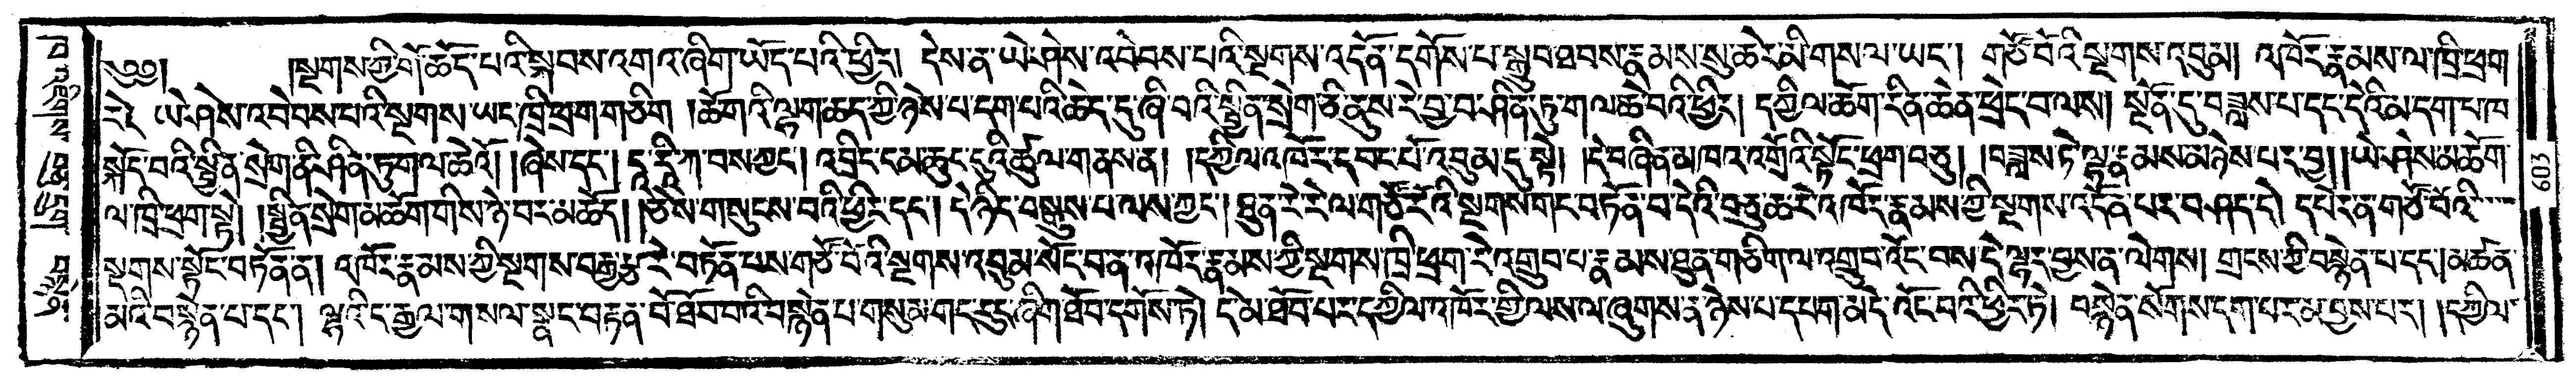༄༅། །སྔགས་ཀྱི་གོ་ཆོད་པའི་སྐབས་འགའ་ཞིག་ཡོད་པའི་ཕྱིར། དེས་ན་ཡེ་ཤེས་འབེབས་པའི་སྔགས་འདོན་དགོས་པ་སྒྲུབ་ཐབས་རྣམས་སུ་ཆེར་མི་གསལ་ཡང་། གཙོ་བོའི་སྔགས་འབུམ། འཁོར་རྣམས་ལ་ཁྲི་ཕྲག་
རེ༑ ཡེ་ཤེས་འབེབས་པའི་སྔགས་ཡང་ཁྲི་ཕྲག་གཅིག །ཆོ་གའི་ལྷག་ཆད་ཀྱི་ཉེས་པ་དག་པའི་ཆེད་དུ་ཞི་བའི་སྦྱིན་སྲེག་ཅི་ནུས་རེ་བྱ་བ་ཤིན་ཏུ་གལ་ཆེ་བའི་ཕྱིར། དཀྱིལ་ཆོག་རིན་ཆེན་ཕྲེང་བ་ལས། སྔོན་དུ་བཟླས་པ་དང་དེའི་མ་དག་པ་ཁ་
སྐོད་པའི་སྦྱིན་སྲེག་ནི་ཤིན་ཏུ་གལ་ཆེའོ། །ཞེས་དང་། དཱ་རཱི་ཀ་བས་ཀྱང་། འབྲིང་ངམ་ཆུང་ངུའི་ཚུལ་གནས་ན། །དཀྱིལ་འཁོར་དབང་པོ་འབུམ་དུ་སྟེ། །དེ་བཞིན་མཁའ་འགྲོའི་སྟོང་ཕྲག་བཅུ། །བཟླས་ཏེ་ལྷ་རྣམས་མཉེས་པར་བྱ། །ཡེ་ཤེས་མཆོག་
ལ་ཁྲི་ཕྲག་སྟེ། །སྦྱིན་སྲེག་མཆོག་གིས་ཉེ་བར་མཆོད། །ཅེས་གསུངས་བའི་ཕྱིར་དང་། དེ་ཉིད་བསྒུས་པ་ལས་ཀྱང་། ཐུན་རེ་རེ་ལ་གཙོ་རོའི་སྔགས་གང་བཏོན་བ་དེའི་བཅུ་ཆ་རེ་འཁོར་རྣམས་ཀྱི་སྔགས་འདོན་པར་བཤད་དེ། དཔེར་ན་གཙོ་བོའི་
སྔགས་སྟོང་བཏོན་ན། འཁོར་རྣམས་ཀྱི་སྔགས་བརྒྱ་རྩ་རེ་བཏོན་པས་གཙོ་བོའི་སྔགས་འབུམ་སོང་བ་ན་འཁོར་རྣམས་ཀྱི་སྔགས་ཁྲི་ཕྲག་རེ་འགྲུབ་པ་རྣམས་ཐུན་གཅིག་ལ་འགྲུབ་འོང་བས་དེ་ལྟར་བྱས་ན་ལེགས། གྲངས་ཀྱི་བསྙེན་པ་དང་། མཚན་
མའི་བསྙེན་པ་དང་། ལྷའི་ང་རྒྱལ་གསལ་སྣང་བརྟན་པོ་ཐོབ་པའི་བསྙེན་པ་གསུམ་གང་རུང་ཞིག་ཐོབ་དགོས་ཏེ། དེ་མ་ཐོབ་པར་དཀྱིལ་འཁོར་གྱི་ལས་ལ་ཞུགས་ན་ཉེས་པ་དཔག་མེད་འོང་བའི་ཕྱིར་ཏེ། བསྙེན་སོགས་དག་པར་མ་བྱས་པར། །དཀྱིལ་